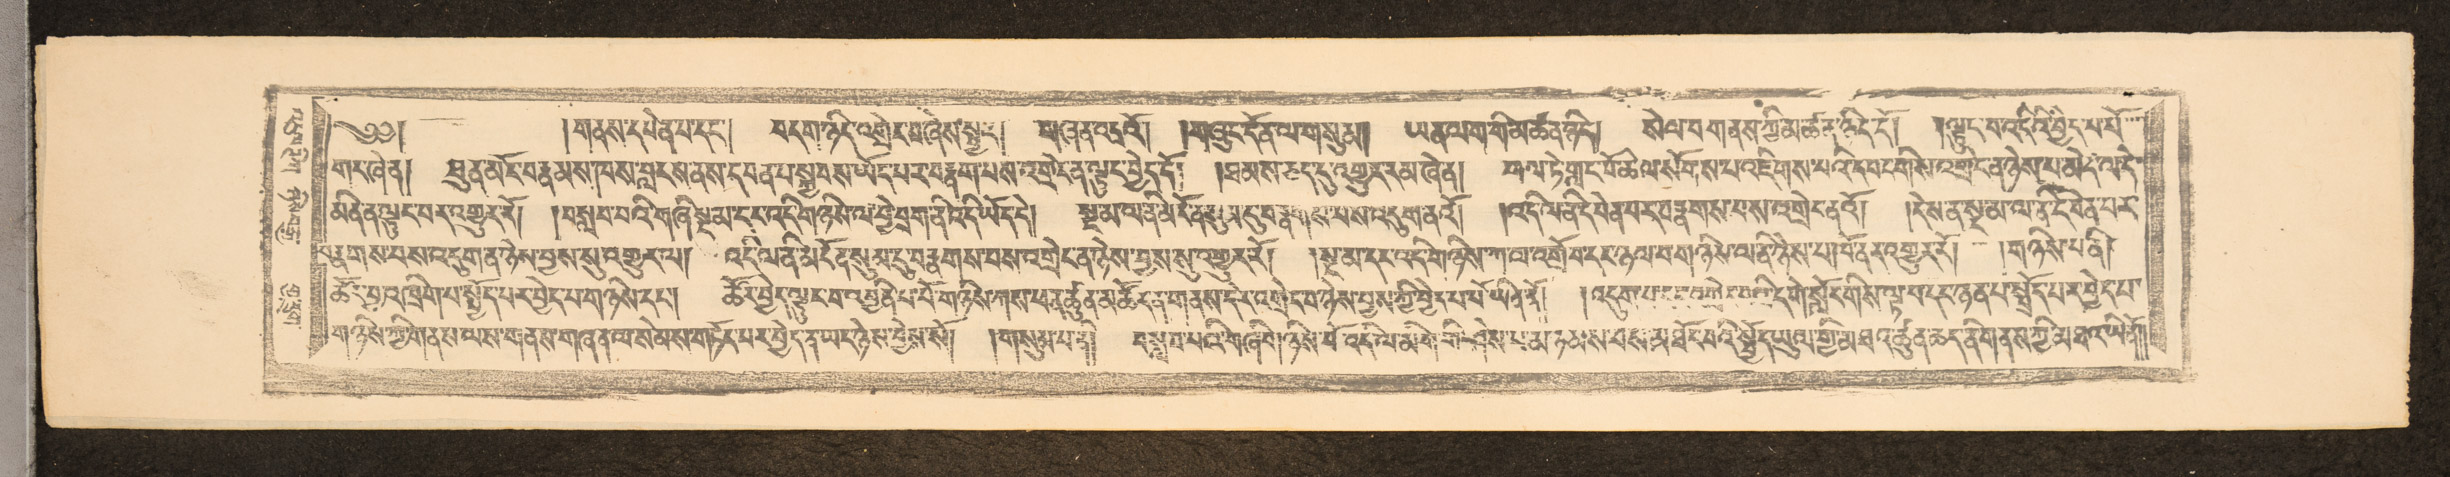༄༅། །གནས་དབེན་པ་དང་། བདག་ཉིད་འགྲེང་བ་ཞེས་སྦྱར། གཞན་འདྲའོ། །གཞུང་དོན་ལ་གསུམ། ཡན་ལག་གི་མཚན་ཉིད། སེལ་བ་གནས་ཀྱི་མཚན་ཉིད་དོ། །ལྟུང་བ་འདིའི་བྱེད་པ་པོ་
གང་ཞེན། ཐུན་མོང་བ་རྣམས་ཁས་བླངས་ནས་དབེན་པ་སྐྱབས་ཡོད་པར་བརྣག་པས་འགྲེང་ན་ལྟུང་བྱེད་དོ། །ཐམས་ཅད་དུ་འགྱུར་རམ་ཞེ་ན། གལ་ཏེ་གླང་པོ་ཆེལ་སོགས་པ་འཇིགས་པའི་དབང་གིས་འགྲེང་ན་ཉེས་པ་མེད་ལ་དེ་
མིན་ན་ལྟུང་བར་འགྱུར་རོ། །བསླབ་པའི་གཞི་སྔ་མ་དང་འདི་གཉིས་ལ་བྱེ་བྲག་ནི་འདི་ཡོད་དེ། སྔ་མ་ལ་ནི་མངོན་སུམ་དུ་བརྣགས་པས་འདུག་ནའོ། །འདི་ལ་ནི་དབེན་པར་བརྣགས་བས་འགྲེང་ནའོ། །དེས་ན་སྔ་མ་ལ་ནི་དབེན་པར་
བརྣགས་པས་འདུག་ན་ཉེས་བྱས་སུ་འགྱུར་ལ། འདི་ལ་ནི་མངོན་སུམ་དུ་བརྣགས་པས་འགྲེང་ན་ཉེས་བྱས་སུ་འགྱུར་རོ། །སྔ་མ་དང་འདི་གཉིས་ཀ་ལ་འགྲོ་བ་དང་ཉལ་བ་གཉིས་ལ་ནི་ཉེས་པ་ཁོ་ནར་འགྱུར་རོ། །གཉིས་པ་ནི།
ཚོར་བྱ་འཁྲིག་པ་སྦྱོད་པར་བྱེད་པ་གཉིས་དང་། ཚོར་བྱེད་ལྟུང་བ་འབྱིན་པ་པོ་གཉིས་ཀས་ཕན་ཚུན་མཚོར་ན་གནས་དེར་འགྲེང་བ་ཉེས་བྱས་ཀྱི་བྱེད་པ་བོ་ཡིན་ནོ། །འདུག་བ་དང་འགྲེང་བའི་དགེ་སློང་གིས་ལྟ་བ་དང་ཉན་པ་སྦྲོད་པར་བྱེད་པ་
གཉིས་ཀྱི་གནས་ལས་གནས་གཞན་ལ་སེམས་གཏོད་བར་བྱེད་ན་ཡང་ཉེས་བྱེས་སོ། །གསུམ་པ་ནི། བསླབ་པའི་གཞི་གཉིས་པོ་འདི་ལ་མིག་གི་ཤེས་པ་མཉམས་བས་མཐོང་བའི་སྦྱོད་ཡུལ་གྱི་མཐའ་ཚུན་ཆད་ནི་གནས་ཀྱི་མཐའ་ཡི་ནོ་